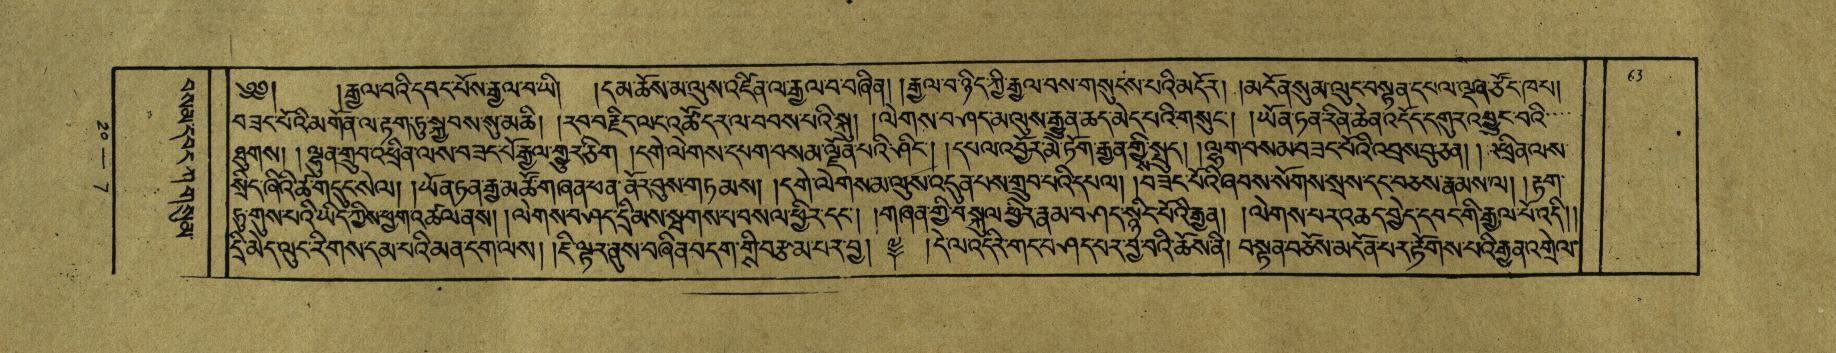༄༅། །རྒྱལ་བའི་དབང་པོས་རྒྱལ་བ་ཡི། །དམ་ཆོས་མ་ལུས་འཛིན་ལ་རྒྱལ་བ་བཞིན། །རྒྱལ་བ་ཉིད་ཀྱི་རྒྱལ་བས་གསུངས་པའི་མདོར། །མངོན་སུམ་ལུང་བསྟན་དཔལ་ལྡན་ཙོང་ཁ་པ།
བཟང་པོའི་མགོན་ལ་རྟག་ཏུ་སྐྱབས་སུ་མཆི། །རབ་བརྗིད་ལང་འཚོ་དར་ལ་བབས་པའི་སྐུ། །ལེགས་བཤད་མ་ལུས་རྒྱུན་ཆད་མེད་པའི་གསུང་། །ཡོན་ཏན་རིན་ཆེན་འདོད་དགུར་འབྱུང་བའི་
ཐུགས། །ལྷུན་གྲུབ་འཕྲིན་ལས་བཟང་པོ་རྒྱལ་གྱུར་ཅིག །དགེ་ལེགས་དཔག་བསམ་ལྗོན་པའི་ཤིང་། །དཔལ་འབྱོར་མེ་ཏོག་རྒྱན་གྱིས་སྤུད། །ལྷག་བསམ་བཟང་པོའི་འབྲས་བུ་ཅན། །འཕྲིན་ལས་
སྲིད་ཞིའི་ཚ་གདུང་སེལ། །ཡོན་ཏན་རྒྱ་མཚོ་གཞན་ཕན་ནོར་བུས་གཏམས། །དགེ་ལེགས་མ་ལུས་འདུན་པས་གྲུབ་པའི་དཔལ། །བཟང་པོའི་ཞབས་སོགས་སྲས་དང་བཅས་རྣམས་ལ། །རྟག་
ཏུ་གུས་པའི་ཡིད་ཀྱིས་ཕྱག་འཚལ་ནས། །ལེགས་བཤད་དྲི་མས་སྤགས་པ་བསལ་ཕྱིར་དང་། །གཞན་གྱི་བསྐུལ་ཕྱིར་རྣམ་བཤད་སྙིང་པོའི་རྒྱན། །ལེགས་པར་འཆད་བྱེད་དབང་གི་རྒྱལ་པོ་འདི།།
དྲི་མེད་ལུང་རིགས་དམ་པའི་མན་ངན་ལས། །ཇི་ལྟར་ནུས་བཞིན་བདག་གིས་བརྩམ་པར་བྱ། ༈ །དེ་ལ་འདིར་གང་བཤད་པར་བྱ་བའི་ཆོས་ནི། བསྟན་བཅོས་མངོན་པར་རྟོགས་པའི་རྒྱན་འགྲེལ་